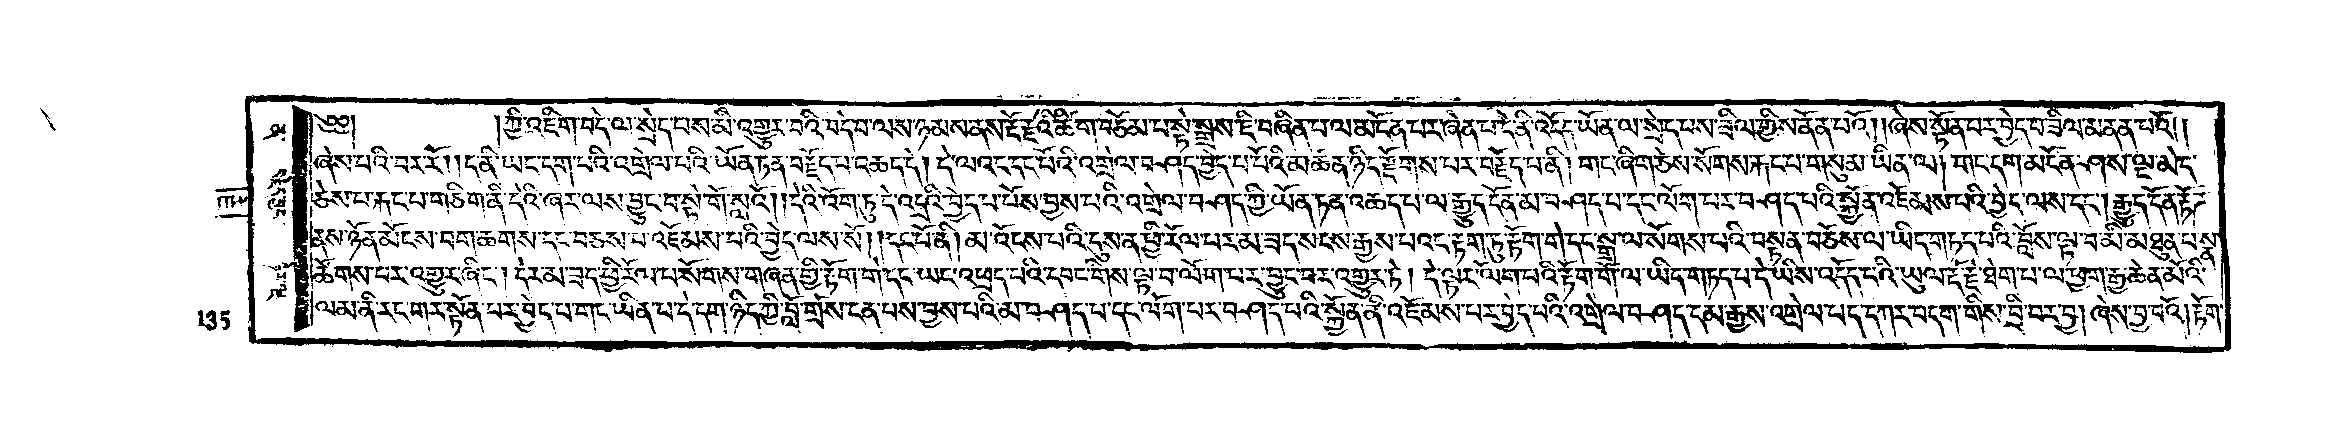༄༅། །ཀྱི་འཇིག་བདེ་ལ་སྲེད་པས་མི་འགྱུར་བའི་བདེ་བ་ལས་ཉམས་ནས་རྡོ་རྗེའི་ཚིག་བཅོམ་པ་སྟེ་སྒྲས་ཇི་བཞིན་པ་ལ་མངོན་པར་ཞེན་པ་དེ་ནི་འདོད་ཡོན་ལ་སྲེད་པས་ཟིལ་གྱིས་ནོན་པའོ། །ཞེས་སྟོན་པར་བྱེད་པ་ཟིལ་མནན་པའོ། །
ཞེས་པའི་བར་རོ། །ད་ནི་ཡང་དག་པའི་འགྲེལ་པའི་ཡོན་ཏན་བརྗོད་པ་འཆད་དེ། དེ་ལའང་དང་པོའི་འགྲེལ་བཤད་བྱེད་པ་པོའི་མཚན་ཉིད་རྫོགས་པར་བརྗོད་པ་ནི། གང་ཞིག་ཅེས་སོགས་རྐང་པ་གསུམ་ཡིན་ལ། གང་དག་མངོན་ཤས་ལྔ་མེད་
ཅེས་པ་རྐང་པ་གཅིག་ནི་དེའི་ཞར་ལས་བྱུང་བ་སྟེ་གོ་སླའོ། །དེའི་འོག་ཏུ་དེ་འདྲའི་བྱེད་པ་པོས་བྱས་པའི་འགྲེལ་བཤད་ཀྱི་ཡོན་ཏན་འཆད་པ་ལ་རྒྱུད་དོན་མ་བཤད་པ་དང་ལོག་པར་བཤད་པའི་སྐྱོན་འཇོམས་པའི་བྱེད་ལས་དང་། རྒྱུད་དོན་རྟོཌ་
ནས་ཉོན་མོངས་བག་ཆགས་དང་བཅས་པ་འཇོམས་པའི་བྱེད་ལས་སོ། །དང་པོ་ནི། མ་འོངས་པའི་དུས་ན་ཕྱི་རོལ་པར་མ་ཟད་སངས་རྒྱས་པའང་རྟག་ཏུ་རྟོག་གེ་དང་སྒྲ་ལ་སོགས་པའི་བསྟན་བཅོས་ལ་ཡིད་གཏད་པའི་བློས་ལྟ་བ་མི་མཐུན་པ་སྣ་
ཚོགས་པར་འགྱུར་ཞིང་། དེར་མ་ཟད་ཕྱི་རོལ་པ་སོགས་གཞན་གྱི་རྟོག་གེ་དང་ཡང་འཕྲད་པའི་དབང་གིས་ལྟ་བ་ལོག་པར་བྱུང་བར་འགྱུར་ཏེ། དེ་ལྟར་ལོག་པའི་རྟོག་གེ་ལ་ཡིད་གཏད་པ་དེ་ཡིས་འདོད་པའི་ཡུལ་རྡོ་རྗེ་ཐེག་པ་ལ་ཕྱག་རྒྱ་ཆེན་མོའི་
ལམ་ནི་རང་གར་སྟོན་པར་བྱེད་པ་གང་ཡིན་པ་དེ་དག་ཉིད་ཀྱི་བློ་གྲོས་ངན་པས་བྱས་པའི་མ་བཤད་པ་དང་ལོག་པར་བཤད་པའི་སྐྱོན་ནི་འཇོམས་པར་བྱེད་པའི་འགྲེལ་བཤད་དམ་རྒྱས་འགྲེལ་པད་དཀར་བདག་གིས་བྲི་བར་བྱ། ཞེས་བྱ་བའོ། རྟོག་